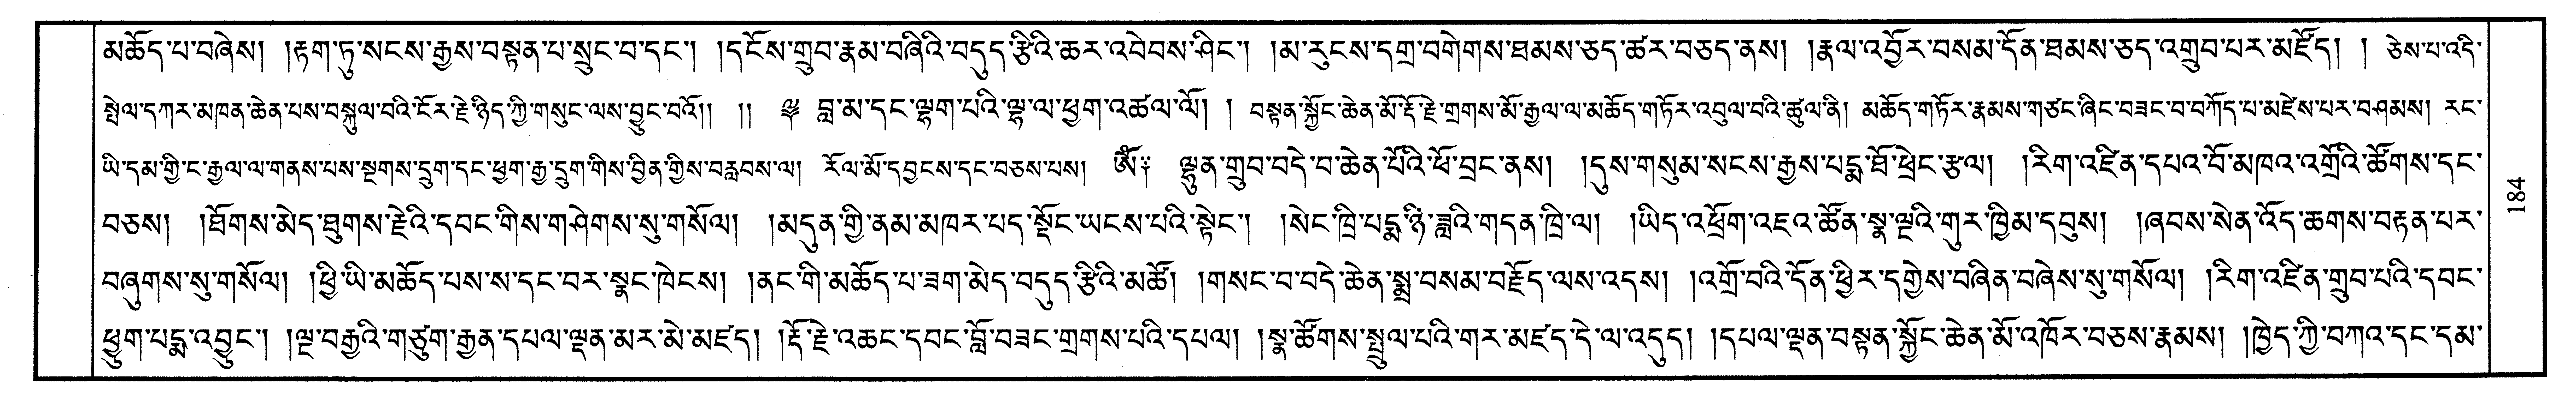མཆོད་པ་བཞེས། །རྟག་ཏུ་སངས་རྒྱས་བསྟན་པ་སྲུང་བ་དང་། །དངོས་གྲུབ་རྣམ་བཞིའི་བདུད་རྩིའི་ཆར་འབེབས་ཤིང་། །མ་རུངས་དགྲ་བགེགས་ཐམས་ཅད་ཚར་བཅད་ནས། །རྣལ་འབྱོར་བསམ་དོན་ཐམས་ཅད་འགྲུབ་པར་མཛོད། །ཅེས་པ་འདི་
སྤེལ་དཀར་མཁན་ཆེན་པས་བསྐུལ་བའི་ངོར་རྗེ་ཉིད་ཀྱི་གསུང་ལས་བྱུང་བའོ།། །། ༈ བླ་མ་དང་ལྷག་པའི་ལྷ་ལ་ཕྱག་འཚལ་ལོ། །བསྟན་སྐྱོང་ཆེན་མོ་རྡོ་རྗེ་གྲགས་མོ་རྒྱལ་ལ་མཆོད་གཏོར་འབུལ་བའི་ཚུལ་ནི། མཆོད་གཏོར་རྣམས་གཙང་ཞིང་བཟང་བ་བཀོད་པ་མཛེས་པར་བཤམས། རང་
ཡི་དམ་གྱི་ང་རྒྱལ་ལ་གནས་པས་སྔགས་དྲུག་དང་ཕྱག་རྒྱ་དྲུག་གིས་བྱིན་གྱིས་བརླབས་ལ། རོལ་མོ་དབྱངས་དང་བཅས་པས། ཨོཾ༑ ལྷུན་གྲུབ་བདེ་བ་ཆེན་པོའི་ཕོ་བྲང་ནས། །དུས་གསུམ་སངས་རྒྱས་པདམ་ཐོ་ཕྲེང་རྩལ། །རིག་འཛིན་དཔའ་བོ་མཁའ་འགྲོའི་ཚོགས་དང་
བཅས། །ཐོགས་མེད་ཐུགས་རྗེའི་དབང་གིས་གཤེགས་སུ་གསོལ། །མདུན་གྱི་ནམ་མཁར་པད་སྡོང་ཡངས་པའི་སྟེང་། །སེང་ཁྲི་པདམ་ཉི་ཟླའི་གདན་ཁྲི་ལ། །ཡིད་འཕྲོག་འཇའ་ཚོན་སྣ་ལྔའི་གུར་ཁྱིམ་དབུས། །ཞབས་སེན་འོད་ཆགས་བརྟན་པར་
བཞུགས་སུ་གསོལ། །ཕྱི་ཡི་མཆོད་པས་ས་དང་བར་སྣང་ཁེངས། །ནང་གི་མཆོད་པ་ཟག་མེད་བདུད་རྩིའི་མཚོ། །གསང་བ་བདེ་ཆེན་སྨྲ་བསམ་བརྗོད་ལས་འདས། །འགྲོ་བའི་དོན་ཕྱིར་དགྱེས་བཞིན་བཞེས་སུ་གསོལ། །རིག་འཛིན་གྲུབ་པའི་དབང་
ཕྱུག་པདམ་འབྱུང་། །ལྔ་བརྒྱའི་གཙུག་རྒྱན་དཔལ་ལྡན་མར་མེ་མཛད། །རྡོ་རྗེ་འཆང་དབང་བློ་བཟང་གྲགས་པའི་དཔལ། །སྣ་ཚོགས་སྤྲུལ་པའི་གར་མཛད་དེ་ལ་འདུད། །དཔལ་ལྡན་བསྟན་སྐྱོང་ཆེན་མོ་འཁོར་བཅས་རྣམས། །ཁྱེད་ཀྱི་བཀའ་དང་དམ་